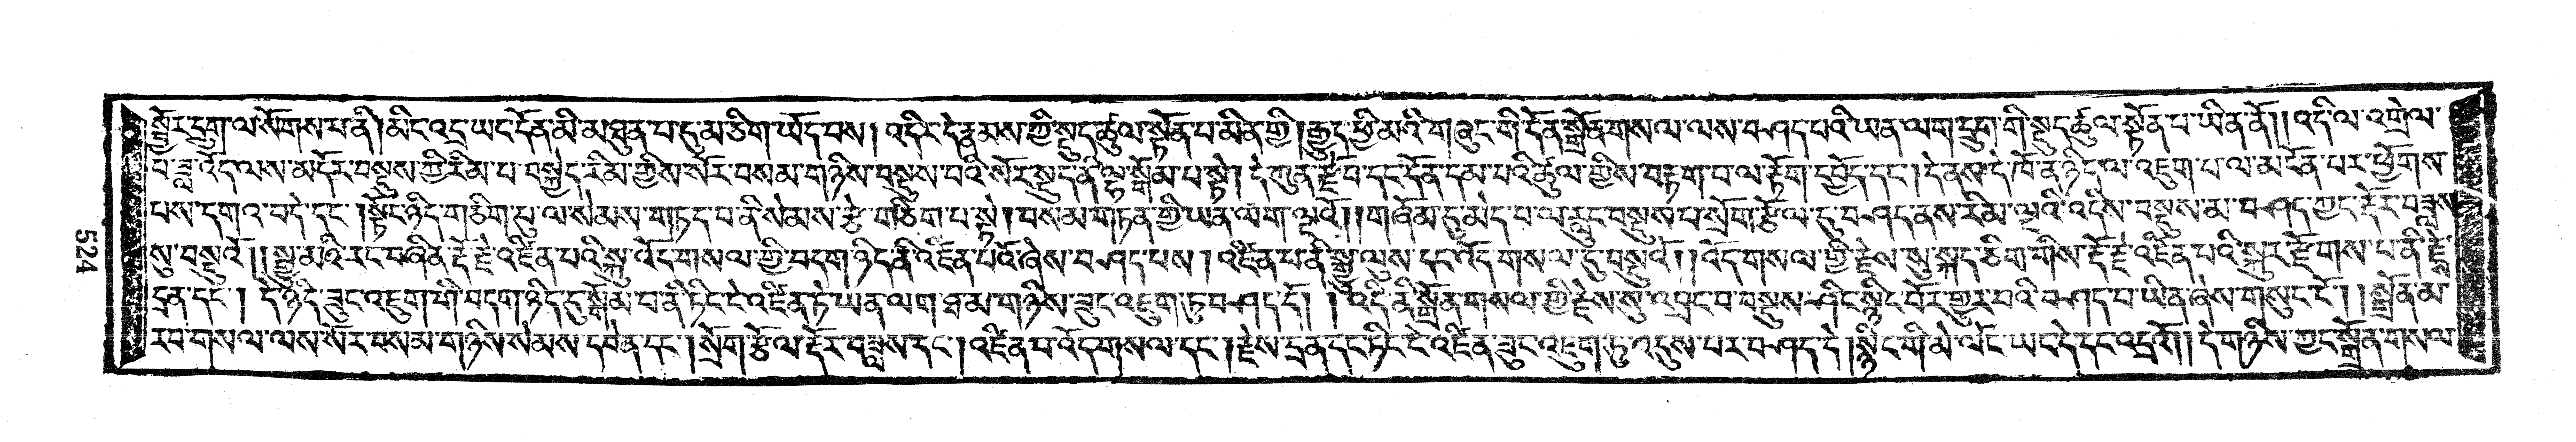སྦྱོར་དྲུག་ལ་སོགས་པ་ནི། མིང་འདྲ་ཡང་དོན་མི་མཐུན་པ་དུ་མ་ཅིག་ཡོད་པས། འདིར་དེ་རྣམས་ཀྱི་སྡུད་ཚུལ་སྟོན་པ་མིན་གྱི། རྒྱུད་ཕྱི་མའི་གཞུང་གི་དོན་སྒྲོན་གསལ་ལས་བཤད་པའི་ཡན་ལག་དྲུག་གི་སྡུད་ཚུལ་སྟོན་པ་ཡིན་ནོ། །འདི་ལ་འགྲེལ་
པ་ཟླ་འོད་ལས་མདོར་བསྡུས་ཀྱི་རིམ་པ་བསྐྱེད་རིམ་གྱིས་སོར་བསམ་གཉིས་བསྡུས་པའི་སོར་སྡུད་ནི་ལྷ་སྒོམ་པ་སྟེ། དེ་ཀུན་རྫོབ་དང་དོན་དམ་པའི་ཚུལ་གྱིས་བརྟག་པ་ལ་རྟོག་དཔྱོད་དང་། དེ་ནས་དེ་ཁོ་ན་ཉིད་ལ་འཇུག་པ་ལ་མངོན་པར་ཕྱོགས་
པས་དགའ་བདེ་དང་། སྟོང་ཉིད་གཅིག་པུ་ལ་སེམས་གཏད་པ་ནི་སེམས་རྩེ་གཅིག་པ་སྟེ། བསམ་གཏན་གྱི་ཡན་ལག་ལྔའོ། །གཞོམ་དུ་མེད་པ་ལ་རླུང་བསྡུས་པ་སྲོག་རྩོལ་དུ་བཤད་ནས་རིམ་ལྔའི་འདིས་བསྡུས་མ་བཤད་ཀྱང་རྡོར་བཟླས་
སུ་བསྡུའོ། །སྒྱུ་མའི་རང་བཞིན་རྡོ་རྗེ་འཛིན་པའི་སྐུ་འོད་གསལ་གྱི་བདག་ཉིད་ནི་འཛིན་པའོ་ཞེས་བཤད་པས། འཛིན་པ་ནི་སྒྱུ་ལུས་དང་འོད་གསལ་དུ་བསྡུའོ། །འོད་གསལ་གྱི་རྗེས་སུ་སྐད་ཅིག་གིས་རྡོ་རྗེ་འཛིན་པའི་སྐུར་རྫོགས་པ་ནི་རྗེས་
དྲན་དང་། དེ་ཉིད་ཟུང་འཇུག་གི་བདག་ཉིད་དུ་སྒོམ་པ་ནི་ཏིང་ངེ་འཛིན་ཏེ་ཡན་ལག་ཐ་མ་གཉིས་ཟུང་འཇུག་ཏུ་བཤད་དོ། །འདི་ནི་སྒྲོན་གསལ་གྱི་རྗེས་སུ་འབྲང་བ་བསྡུས་ཤང་སྙིང་པོར་གྱུར་པའི་བཤད་པ་ཡིན་ཞེས་གསུང་ངོ། །སྒྲོན་མ་
རབ་གསལ་ལས་སོར་བསམ་གཉིས་སེམས་དབེན་དང་། སྲོག་རྩོལ་རྡོར་བཟླས་དང་། འཛིན་པ་འོད་གསལ་དང་། རྗེས་དྲན་དང་ཏིང་ངེ་འཛིན་ཟུང་འཇུག་ཏུ་འདུས་པར་བཤད་དེ། སྙིང་གི་མེ་ལོང་ཡང་དེ་དང་འདྲའོ། །དེ་གཉིས་ཀྱང་སྒྲོན་གསལ་